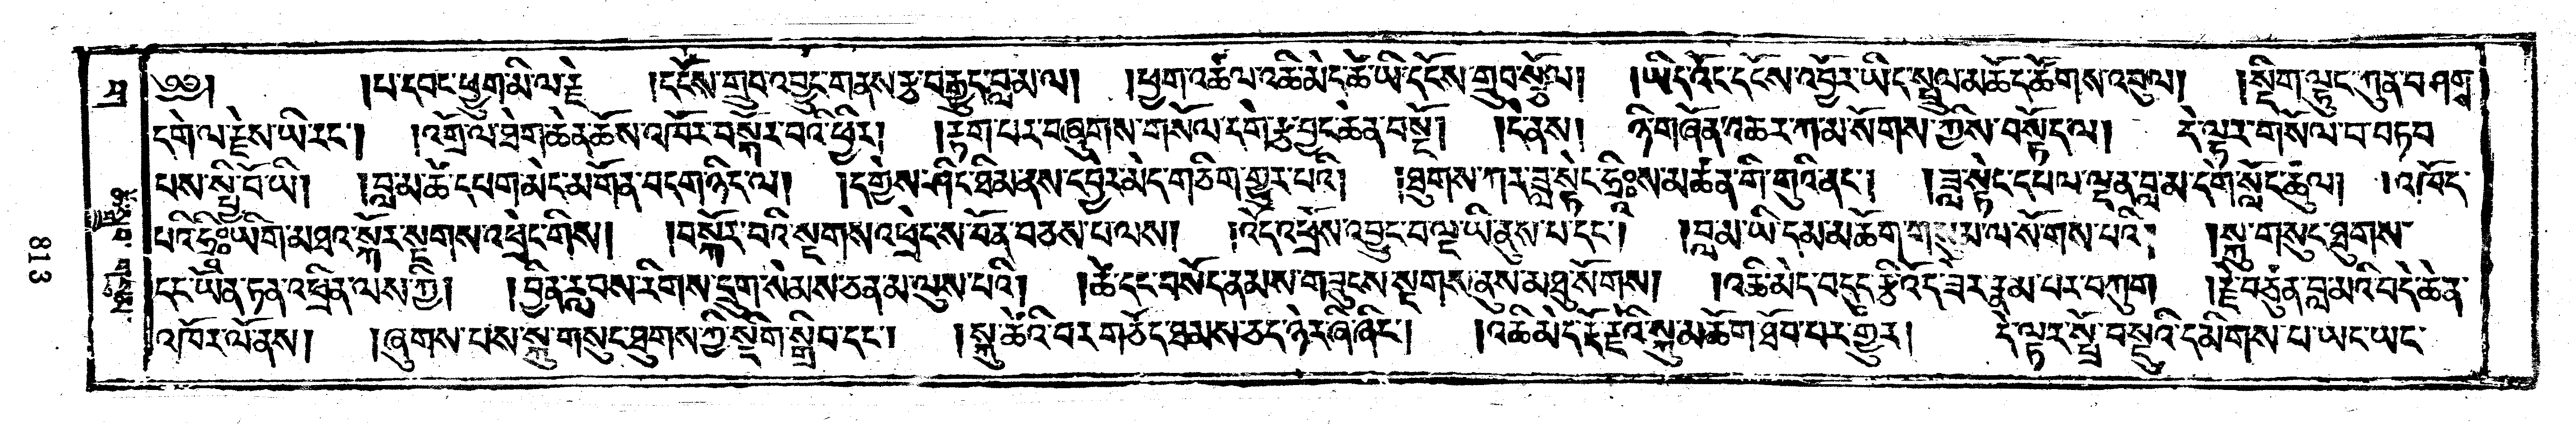༄༅། །པ་དབང་ཕྱུག་མི་ལ་རྗེ་།དངོས་གྲུབ་འབྱུང་གནས་རྩ་བརྒྱུད་བླ་མ་ལ། །ཕྱག་འཚལ་འཆི་མེད་ཚེ་ཡི་དངོས་གྲུབ་སྩོལ། །ཡིད་འོང་དངོས་འབྱོར་ཡིད་སྤྲུལ་མཆོད་ཚོགས་འབུལ། །སྡིག་ལྟུང་ཀུན་བཤགས་
དགེ་ལ་རྗེས་ཡི་རང་། །འགྲོ་ལ་ཐེག་ཆེན་ཆོས་འཁོར་བསྐོར་བའི་ཕྱིར། །རྟག་པར་བཞུགས་གསོལ་དགེ་རྩ་བྱང་ཆེན་བསྔོ། །དེ་ནས། ཉི་གཞོན་འཆར་ཀ་མ་ལ་སོགས་ཀྱིས་བསྟོད་ལ། དེ་ལྟར་གསོལ་བ་བཏབ་
པས་སྤྱི་བོ་ཡི། །བླ་མ་ཚེ་དཔག་མེད་མགོན་བདག་ཉིད་ལ། །དགྱེས་ཤིང་ཐིམ་ནས་དབྱེར་མེད་གཅིག་གྱུར་པའི། །ཐུགས་ཀར་ཟླ་སྟེང་ཧྲཱིཿ ས་མཚན་གི་གུའི་ནང་། །ཟླ་སྟེང་དཔལ་ལྡན་བླ་མ་དགེ་སློང་ཚུལ། །འཁོད་
པའི་ཧྲཱིཿ ཡིག་མཐའ་སྐོར་སྔགས་འཕྲེང་གིས། །བསྐོར་བའི་སྔགས་འཕྲེང་ས་བོན་བཅས་པ་ལས། །འོད་འཕྲོས་འབྱུང་བ་ལྔ་ཡི་ནུས་པ་དང་། །བླ་མ་ཡི་དམ་མཆོག་གསུམ་ལ་སོགས་པའི། །སྐུ་གསུང་ཐུགས་
དང་ཡོན་ཏན་འཕྲིན་ལས་ཀྱི། །བྱིན་རླབས་རིགས་དྲུག་སེམས་ཅན་མ་ལུས་པའི། །ཚེ་དང་བསོད་ནམས་གཟུངས་སྔགས་ནུས་མཐུ་སོགས། །འཆི་མེད་བདུད་རྩི་འོད་ཟེར་རྣམ་པར་བཀུག །རྗེ་བཙུན་བླ་མའི་བདེ་ཆེན་
འཁོར་ལོ་ནས། །ཞུགས་པས་སྐུ་གསུང་ཐུགས་ཀྱི་སྡིག་སྒྲིབ་དང་། །སྐུ་ཚེའི་བར་གཅོད་ཐམས་ཅད་ཉེར་ཞི་ཞིང་། །འཆི་མེད་རྡོ་རྗེའི་སྐུ་མཆོག་ཐོབ་པར་གྱུར། དེ་ལྟར་སྤྲོ་བསྡུའི་དམིགས་པ་ཡང་ཡང་